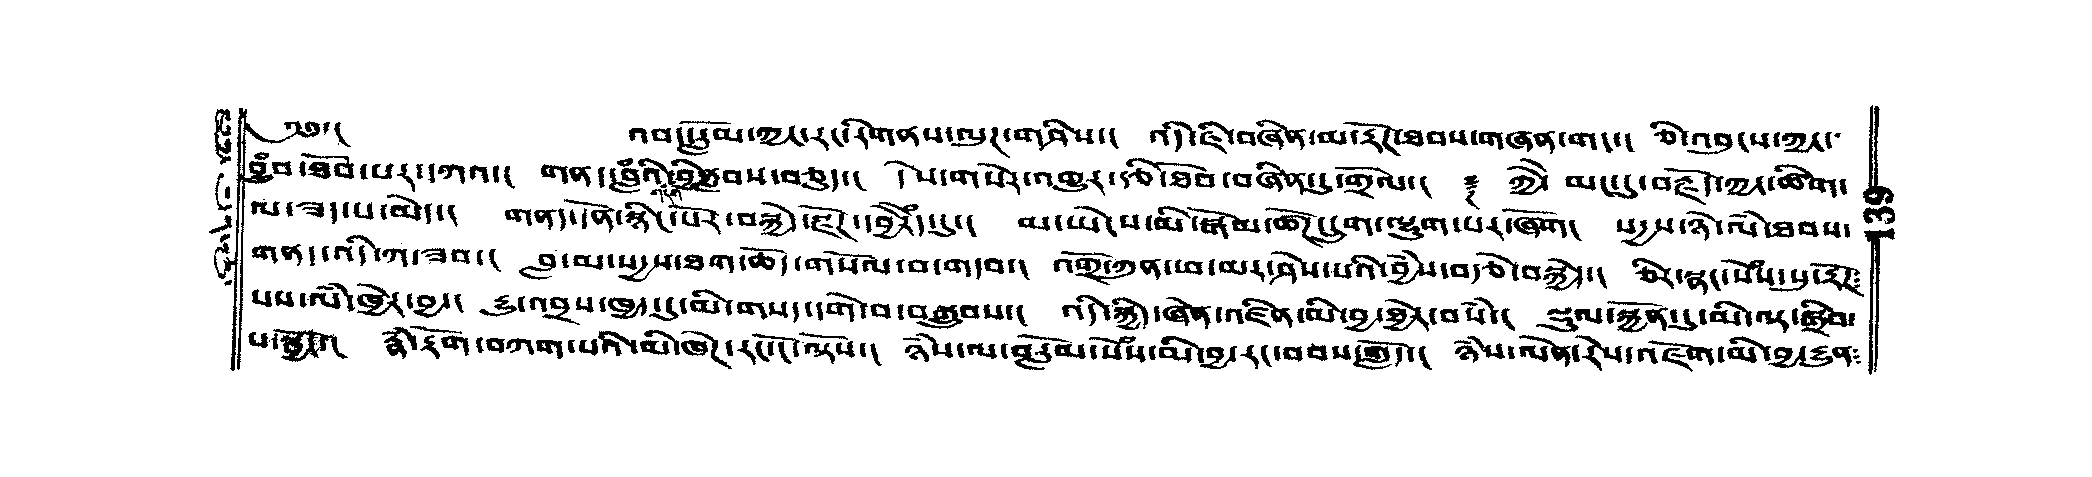།འབད་རློམ་ཀྱང་རང་རིག་གནས་ལུགས་གཤིས། །འདི་ཇི་བཞིན་མ་རྟོགས་ཐབས་གཞན་གང་། །ཅི་འབུངས་ཀྱང་
བྱང་ཆུབ་ཐོབ་པར་དཀའ། །གནད་བླ་མའི་གདམས་ངག་བྱིན་རླབས་བཅུད། །དེས་གསེར་འགྱུར་རྩི་ཐོབ་བཞིན་དུ་གྲོལ། ༈ ཀྱཻ། མང་དུ་བརྗོད་ཀྱང་ཚིག་
ལ་ཟད་པ་མེད། །གནད་དོན་སྙིང་པོར་བསྐྱེད་རྫོགས་དབྱེར་མེད་དུ། །མ་ཡེངས་མི་སྒོམ་ཚོགས་དྲུག་ལྷུག་པར་ཞོག །སངས་རྒྱས་ཉེ་ལམ་ཐབས་
གནད་འདི་ཀ་ཟབ། །བླ་མ་སངས་རྒྱས་ཐག་ཆོད་གསོལ་བ་གདབ། །འགྲོ་ཀུན་ཕ་མར་ཤེས་པའི་བྱམས་བརྩེ་བསྐྱེད། །ཅིར་སྣང་སེམས་སུ་རྟོགས་
པས་ལམ་ཁྱེར་བྱ། །རྒྱུ་འབྲས་ཁྱད་དུ་མི་གསད་དགེ་བ་བསྒྲུབས། །འདི་སྐྱིད་ཞེན་འཛིན་མི་བྱ་ཐུགས་རྗེར་བསམ། །སྡུག་བསྔལ་སྐྱོན་དུ་མི་ལྟ་སྒྲིབ་
པ་སྦྱོང་། །རྣམ་རྟོག་བཀག་པས་མི་ཁེགས་རང་ངོ་ལྟོས། །ཉམས་ལ་བརློམ་སེམས་མི་བྱ་རང་བབས་གློད། །ཉམས་ལེན་རེས་འཇོག་མི་བྱ་རྒྱུན་